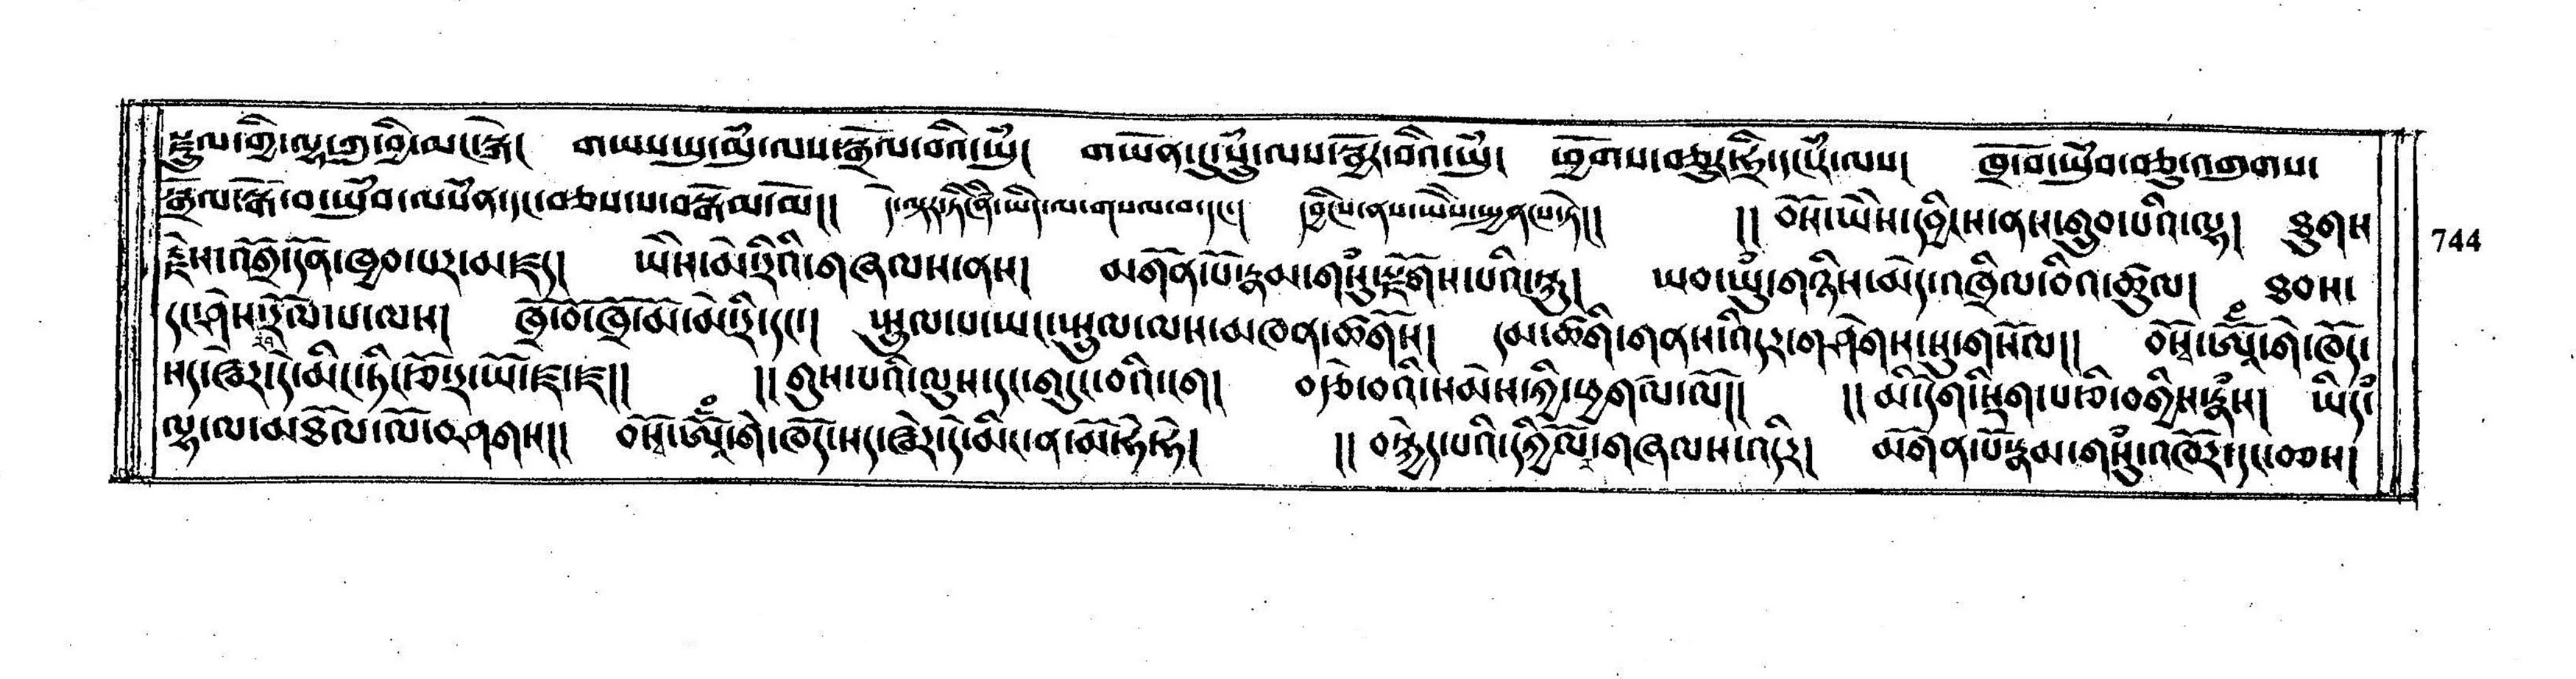རྫུ་འཕྲུལ་གྱི་ལྷ་ཀུ་བྱི་མང་སྐེ། གཡས་སུ་མུཾ་ལས་སྒྲོལ་བའི་ཡུམ། གཡོན་དུ་སྲུཾ་ལས་སྦྱོར་བའི་ཡུམ། ཕྱོགས་བཅུར་ཧྲི་དང་རཾ་ལས། ཁྲོ་བོ་ཡབ་ཡུམ་བཅུ་འགུགས་
སྒྲོལ་སྒོ་བ་ཡབ་ཡུམ་ལས་མཁན་དང་བཅས་པ་བསྒོམ་མོ།། དེ་་ལྟར་ཏིང་འཛིན་ཡིད་ལ་གསལ་བ་དང་། དབྱིངས་ནས་ཡེ་ཤེས་སྤྱན་དྲངས་ཏེ།། །།བསོ་ཡེ་ཤེས་དབྱིངས་ནས་གྲུབ་པའི་ལྷ། ཐུགས་
རྗེས་འགྲོ་དོན་ཁྱབ་པར་མཛད། ཡེ་ཤེས་མེ་རིའི་གཞལ་ཡས་ནས། མགོན་པོ་རྣམ་གསུམ་རྫོགས་པའི་སྐུ། ཡབ་ཡུམ་གཉིས་མེད་འཁྲིལ་བའི་ཚུལ། ཐབས་
དང་ཤེས་རབ་རོལ་པ་ལས། ཁྲོ་བོ་ཁྲོ་མོ་མེ་རི་དང་། སྤྲུལ་པ་ཡང་སྤྲུལ་ལས་མཁན་ཚོགས། དམ་ཚིག་གནས་འདིར་གཤེགས་སུ་གསོལ།། བསྭོ་ཨཱོཾ་གེ་ཁོད་
སད་ཝེར་དེ་མིང་ཏིང་ཅོ་ར་ཡོ་ཛ་ཛ།། །།གུས་པའི་ལུས་དང་གདུང་བའི་ངག བརྩེ་བའི་སེམས་ཀྱི་ཕྱག་འཚལ་ལོ།། །།མི་དགེ་སྡིག་པ་ཅི་བགྱིས་རྣམས། ཡི་དམ་
ལྷ་ལ་མཐོལ་ལོ་བཤགས།། བསྭོ་ཨཱོཾ་གེ་ཁོད་སད་ཝེར་དེ་མིང་ན་མ་ཧེ་ཧེ། །།བསྐྱེད་པའི་དཀྱིལ་འཁོར་གཞལ་ཡས་འདིར། མགོན་པོ་རྣམ་གསུམ་འཁོར་དང་བཅས།